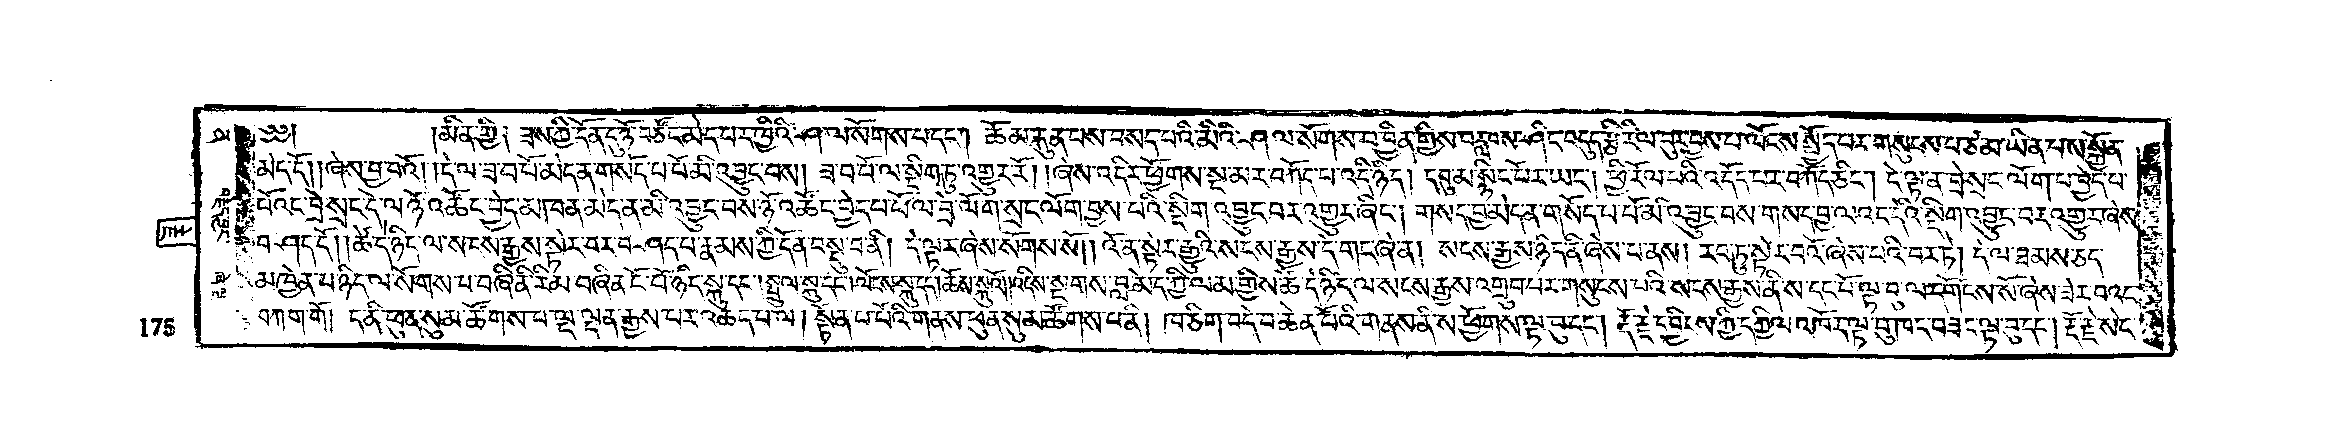༄༅། །མིན་གྱི། ཟས་ཀྱི་དོན་དུ་ཉོ་བཙོང་མེད་པར་ཁྱིའི་ཤ་ལ་སོགས་པ་དང་། ཆོམ་རྐུན་པས་བསད་པའི་མིའི་ཤ་ལ་སོགས་པ་བྱིན་གྱིས་བརླབས་ཤིང་བདུད་རྩི་རིལ་བུར་བྱས་པ་ལོངས་སྤྱོད་པར་གསུངས་པ་ཙམ་ཡིན་པས་སྐྱོན་
མེད་དོ། །ཞེས་བྱ་བའོ། །དེ་ལ་ཟ་བ་པོ་མེད་ན་གསོད་པ་པོ་མི་འབྱུང་བས། ཟ་བ་པོ་ལ་སྡིག་ཏུ་འགྱུར་རོ། །ཞེས་འདིར་ཕྱོགས་སྔ་མར་བཀོད་པ་འདི་ཉིད། དབུ་མ་སྙིང་པོར་ཡང་། ཕྱི་རོལ་པའི་འདོད་པར་བཀོད་ཅིང་། དེ་ལྟ་ན་བྲེ་སྲང་ལོག་པ་བྱེད་པ་
པོའང་བྲེ་སྲང་དེ་ལ་ཉོ་འཚོང་བྱེད་མཁན་མེད་ན་མི་འབྱུང་བས་ཉོ་འཚོང་བྱེད་པ་པོ་ལ་བྲེ་ལོག་སྲང་ལོག་བྱས་པའི་སྡིག་འབྱུང་བར་འགྱུར་ཞིང་། གསད་བྱ་མེད་ན་གསོད་པ་པོ་མི་འབྱུང་བས་གསད་བྱ་ལའང་དེའི་སྡིག་འབྱུང་བར་འགྱུར་ཞེས་
བཤད་དོ། །ཚེ་དེ་ཉིད་ལ་སངས་རྒྱས་སྟེར་བར་བཤད་པ་རྣམས་ཀྱི་དོན་བསྡུ་བ་ནི། དེ་ལྟར་ཞེས་སོགས་སོ། །འོ་ན་སྟེར་རྒྱུའི་སངས་རྒྱས་དེ་གང་ཞེ་ན། སངས་རྒྱས་ཉིད་ནི་ཞེས་པ་ནས། རབ་ཏུ་སྟེར་བའོ་ཞེས་པའི་བར་ཏེ། དེ་ལ་ཐམས་ཅད་
མཁྱེན་པ་ཉིད་ལ་སོགས་པ་བཞི་ནི་རིམ་བཞིན་ངོ་བོ་ཉིད་སྐུ་དང་། སྤྲུལ་སྐུ་དང་། ལོངས་སྐུ་དང་། ཆོས་སྐུའོ། །འདིས་སྔགས་བླ་མེད་ཀྱི་ལམ་གྱིས་ཚེ་དེ་ཉིད་ལ་སངས་རྒྱས་འགྲུབ་པར་གསུངས་པའི་སངས་རྒྱས་ནི་ས་དང་པོ་ལྟ་བུ་ལ་དགོངས་སོ་ཞེས་ཟེར་བའང་
བཀག་གོ །ད་ནི་ཕུན་སུམ་ཚོགས་པ་ལྔ་ལྡན་རྒྱས་པར་འཆད་པ་ལ། སྟོན་པ་པོའི་གནས་ཕུན་སུམ་ཚོགས་པ་ནི། ཁ་ཅིག་བདེ་བ་ཆན་པོའི་གནས་ནི་ས་ཕྱོགས་ལྟ་བུ་དང་། རྡོ་རྗེ་དབྱིངས་ཀྱི་དཀྱིལ་འཁོར་ལྟ་བུ་ཁང་བཟང་ལྟ་བུ་དང་། རྡོ་རྗེ་སེང་